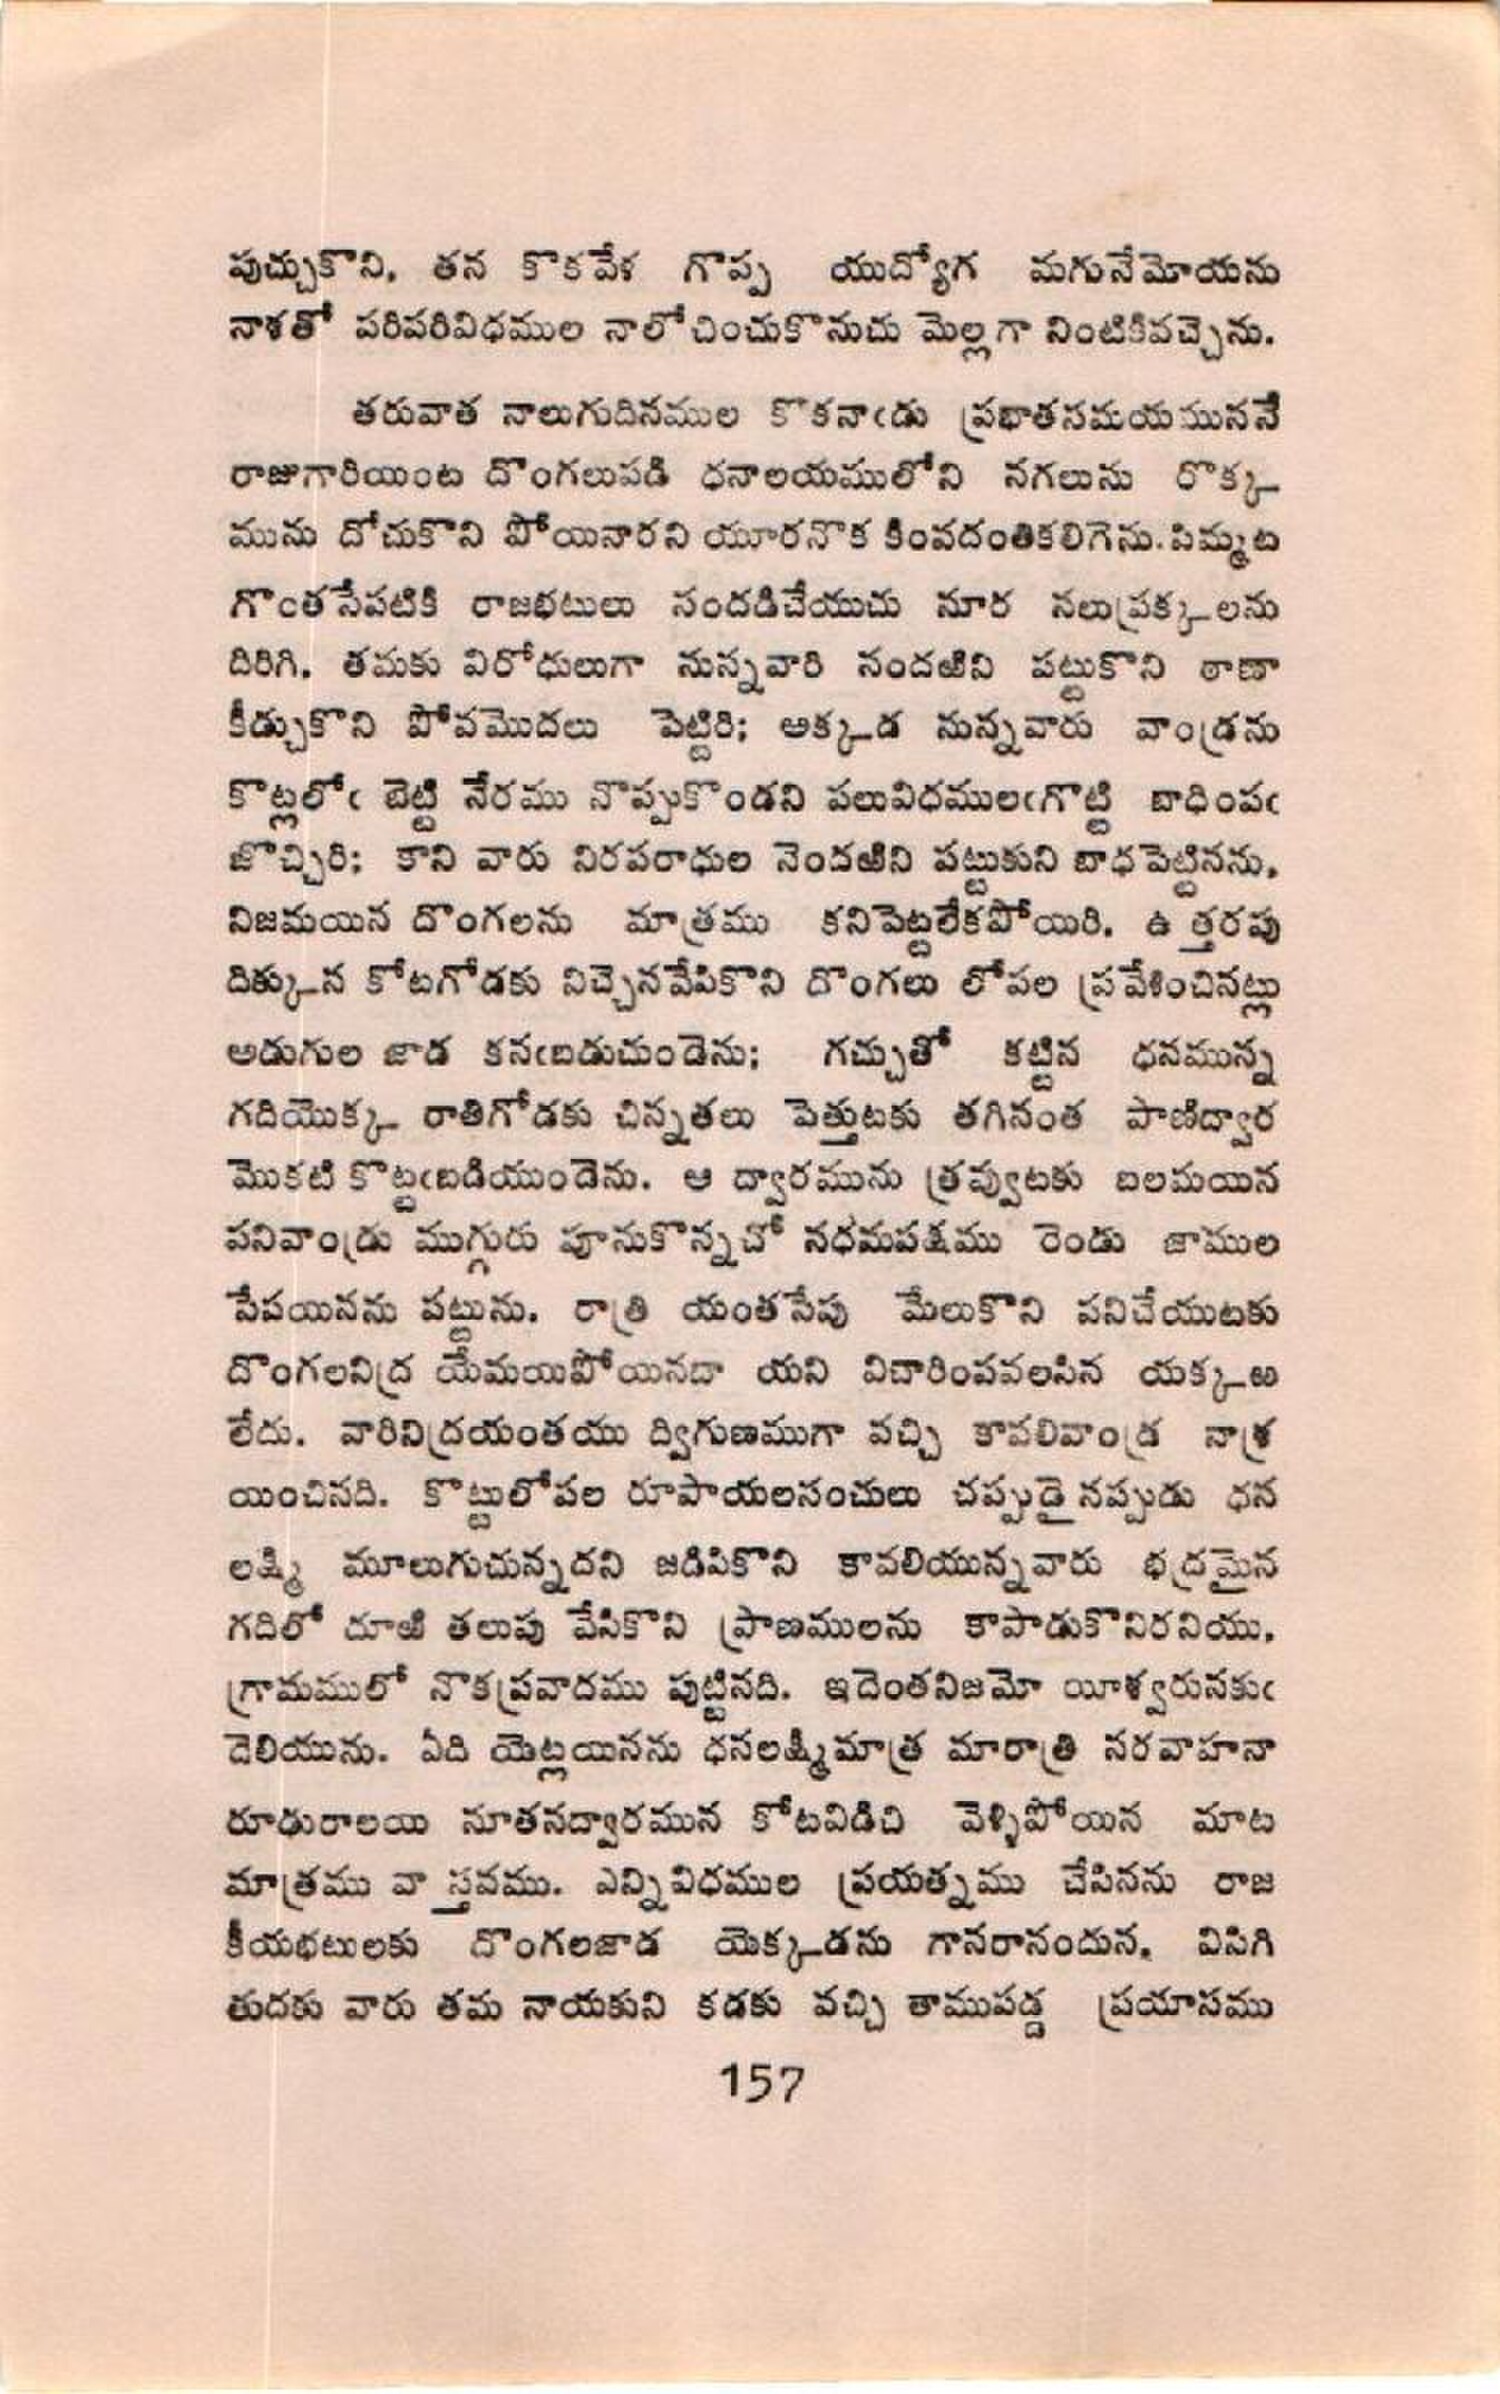పుచ్చుకొని, తన కొకవేళ గొప్ప యుద్యోగ మగునేమోయను నాశతో పరిపరివిధముల నాలోచించుకొనుచు మెల్లగా నింటికివచ్చెను.

తరువాత నాలుగుదినముల కొకనాఁడు ప్రభాత సమయముననే రాజుగారియింట దొంగలుపడి ధనాలయములోని నగలును రొక్క మును దోచుకొని పోయినారని యూరనొక కింవదంతికలిగెను.పిమ్మట గొంతసేపటికి రాజభటులు సందడిచేయుచు నూర నలుప్రక్కలను దిరిగి, తమకు విరోధులుగా నున్నవారి నందఱిని పట్టుకొని ఠాణా కీడ్చుకొని పోవ మొదలు పెట్టిరి; ఆక్కడ నున్నవారు వాండ్రను కొట్లలోఁ బెట్టి నేరము నొప్పుకొండని పలువిధములగొట్టి బాధింపఁ జొచ్చిరి; కాని వారు నిరపరాధుల నెందఱిని పట్టుకుని బాధపెట్టినను, నిజమయిన దొంగలను మాత్రము కనిపెట్టలేకపోయిరి. ఉత్తరపు దిక్కున కోటగోడకు నిచ్చెనవేసికొని దొంగలు లోపల ప్రవేశించినట్లు అడుగుల జాడ కనబడుచుండెను; గచ్చుతో కట్టిన ధనమున్న గదియొక్క రాతిగోడకు చిన్నతలు పెత్తుటకు తగినంత పాణిద్వార మొకటి కొట్టబడియుండెను. ఆ ద్వారమును త్రవ్వుటకు బలమయిన పనివాండ్రు ముగ్గురు పూనుకొన్నచో నధమపక్షము రెండు జాముల సేపయినను పట్టును. రాత్రి యంతసేపు మేలుకొని పనిచేయుటకు దొంగలనిద్ర యేమయిపోయినదా యని విచారింపవలసిన యక్కఱ లేదు. వారినిద్రయంతయు ద్విగుణముగా వచ్చి కావలివాండ్ర నాశ్ర యించినది. కొట్టులోపల రూపాయలసంచులు చప్పుడైనప్పుడు ధన లక్ష్మి మూలగుచున్నదని జడిసికొని కావలియున్నవారు భద్రమై గదిలో దూకి తలుపు వేసికొని ప్రాణములను కాపాడుకొనిరనియు, గ్రామములో నొకప్రవాదము పుట్టినది. ఇదెంతనిజమో యీశ్వరునకుఁ దెలియును. ఏది యెట్లయినను ధనలక్ష్మీమాత్ర మారాత్రి నరవాహనా రూఢురాలయి నూతనద్వారమున కోటవిడిచి వెళ్ళిపోయిన మాట మాత్రము వాస్తవము. ఎన్నివిధముల ప్రయత్నము చేసినను రాజ కీయభటులకు దొంగలజాడ యెక్కడను గానరానందున, విసిగి తుదకు వారు తమ నాయకుని కడకు వచ్చి తాముపడ్డ ప్రయాసము